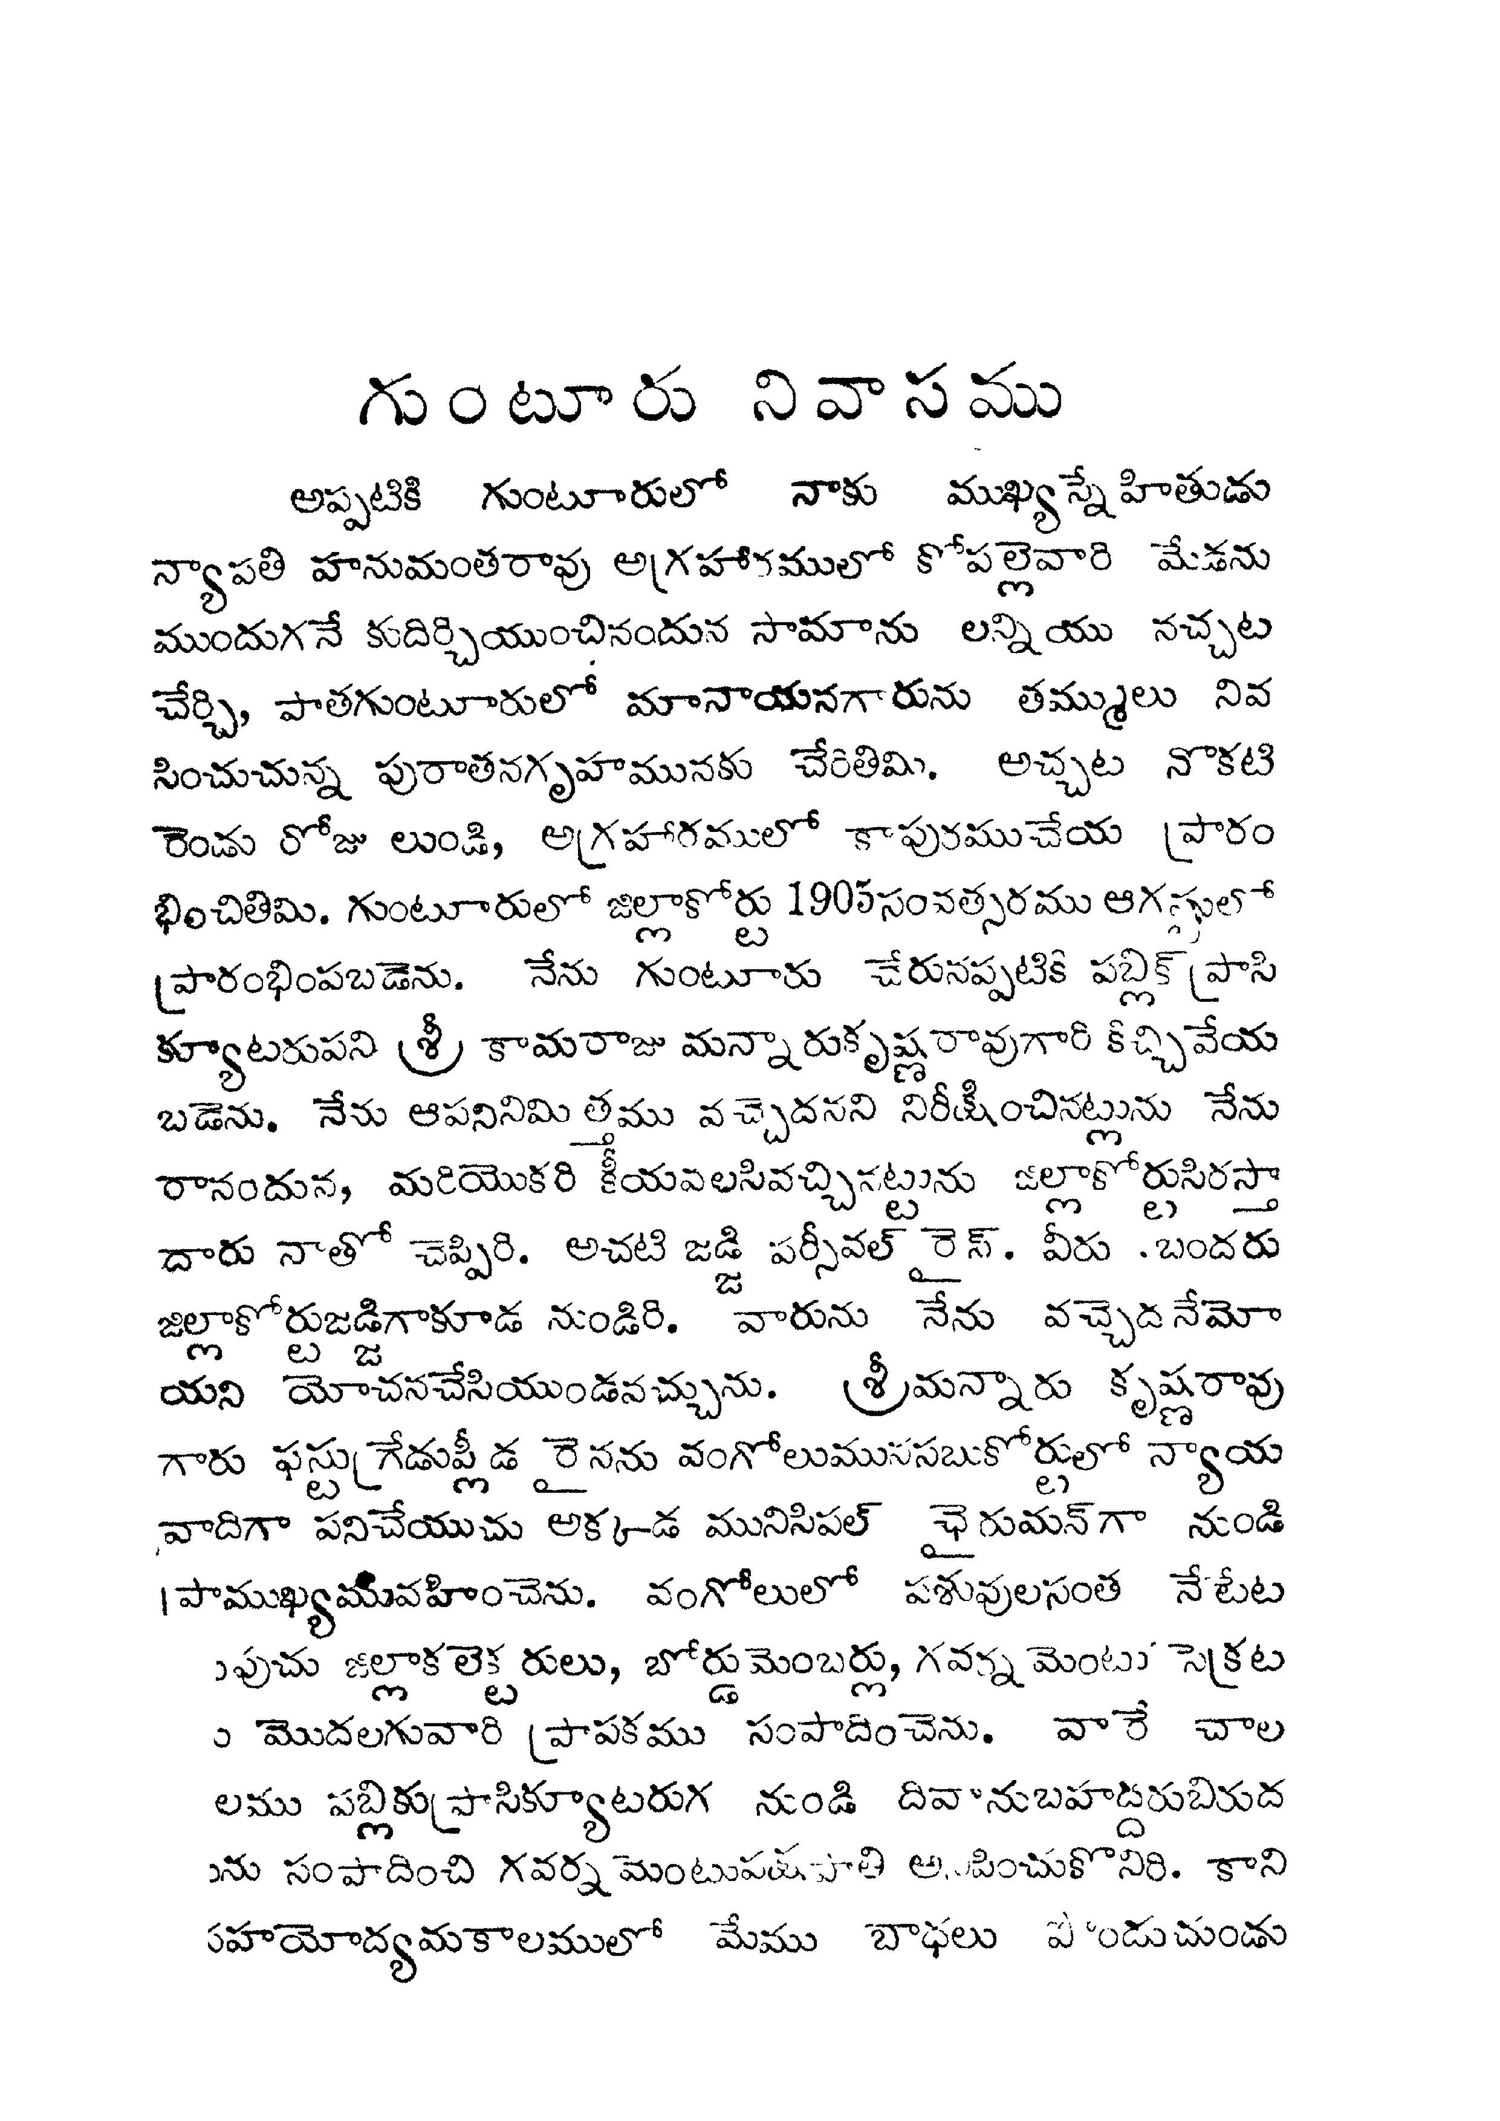అప్పటికి గుంటూరులో నాకు ముఖ్యస్నేహితుడు న్యాపతి హనుమంతరావు అగ్రహారములో కోపల్లెవారి మేడను ముందుగనే కుదిర్చియుంచినందున సామాను లన్నియు నచ్చట చేర్చి, పాతగుంటూరులో మానాయనగారును తమ్ములు నివసించుచున్న పురాతనగృహమునకు చేరితిమి. అచ్చట నొకటి రెండు రోజు లుండి, అగ్రహారములో కాపురముచేయ ప్రారంభించితిమి. గుంటూరులో జిల్లాకోర్టు 1905 సంవత్సరము ఆగష్టులో ప్రారంభింపబడెను. నేను గుంటూరు చేరునప్పటికి పబ్లిక్ ప్రాసిక్యూటరుపని శ్రీ కామరాజు మన్నరుకృష్ణరావుగారికిచ్చివేయబడెను. నేను ఆపనినిమిత్తము వచ్చెదనని నిరీక్షించినట్లును నేను రానందున, మరియొకరి కీయవలసివచ్చినట్టును జిల్లాకోర్టుసిరస్తాదారు నాతో చెప్పిరి. అచటి జడ్జి పర్సీవల్ రైస్. వీరు బందరు జిల్లాకోర్టుజడ్జిగాకూడ నుండిరి. వారును నేను వచ్చెదనేమో యని యోచనచేసియుండవచ్చును. శ్రీమన్నారు కృష్ణరావుగారు ఫస్టుగ్రేడుప్లీడరైనను వంగోలుమునసబుకోర్టులో న్యాయవాదిగా పనిచేయుచు అక్కడ మునిసిపల్ ఛైరుమన్‌గా నుండి ప్రాముఖ్యమువహించెను. వంగోలులో పశువులసంత నేటేట జరుపుచు జిల్లాకలెక్టరులు, బోర్డుమెంబర్లు, గవర్నమెంటు సెక్రటరీలు మొదలగువారి ప్రాపకము సంపాదించెను. వారే చాలకాలము పబ్లికుప్రాసిక్యూటరుగ నుండి దివానుబహద్దరుబిరుదమును సంపాదించి గవర్నమెంటుపక్షపాతి అనిపించుకొనిరి. కాని అసహయోద్యమకాలములో మేము బాధలు పొందుచుండు